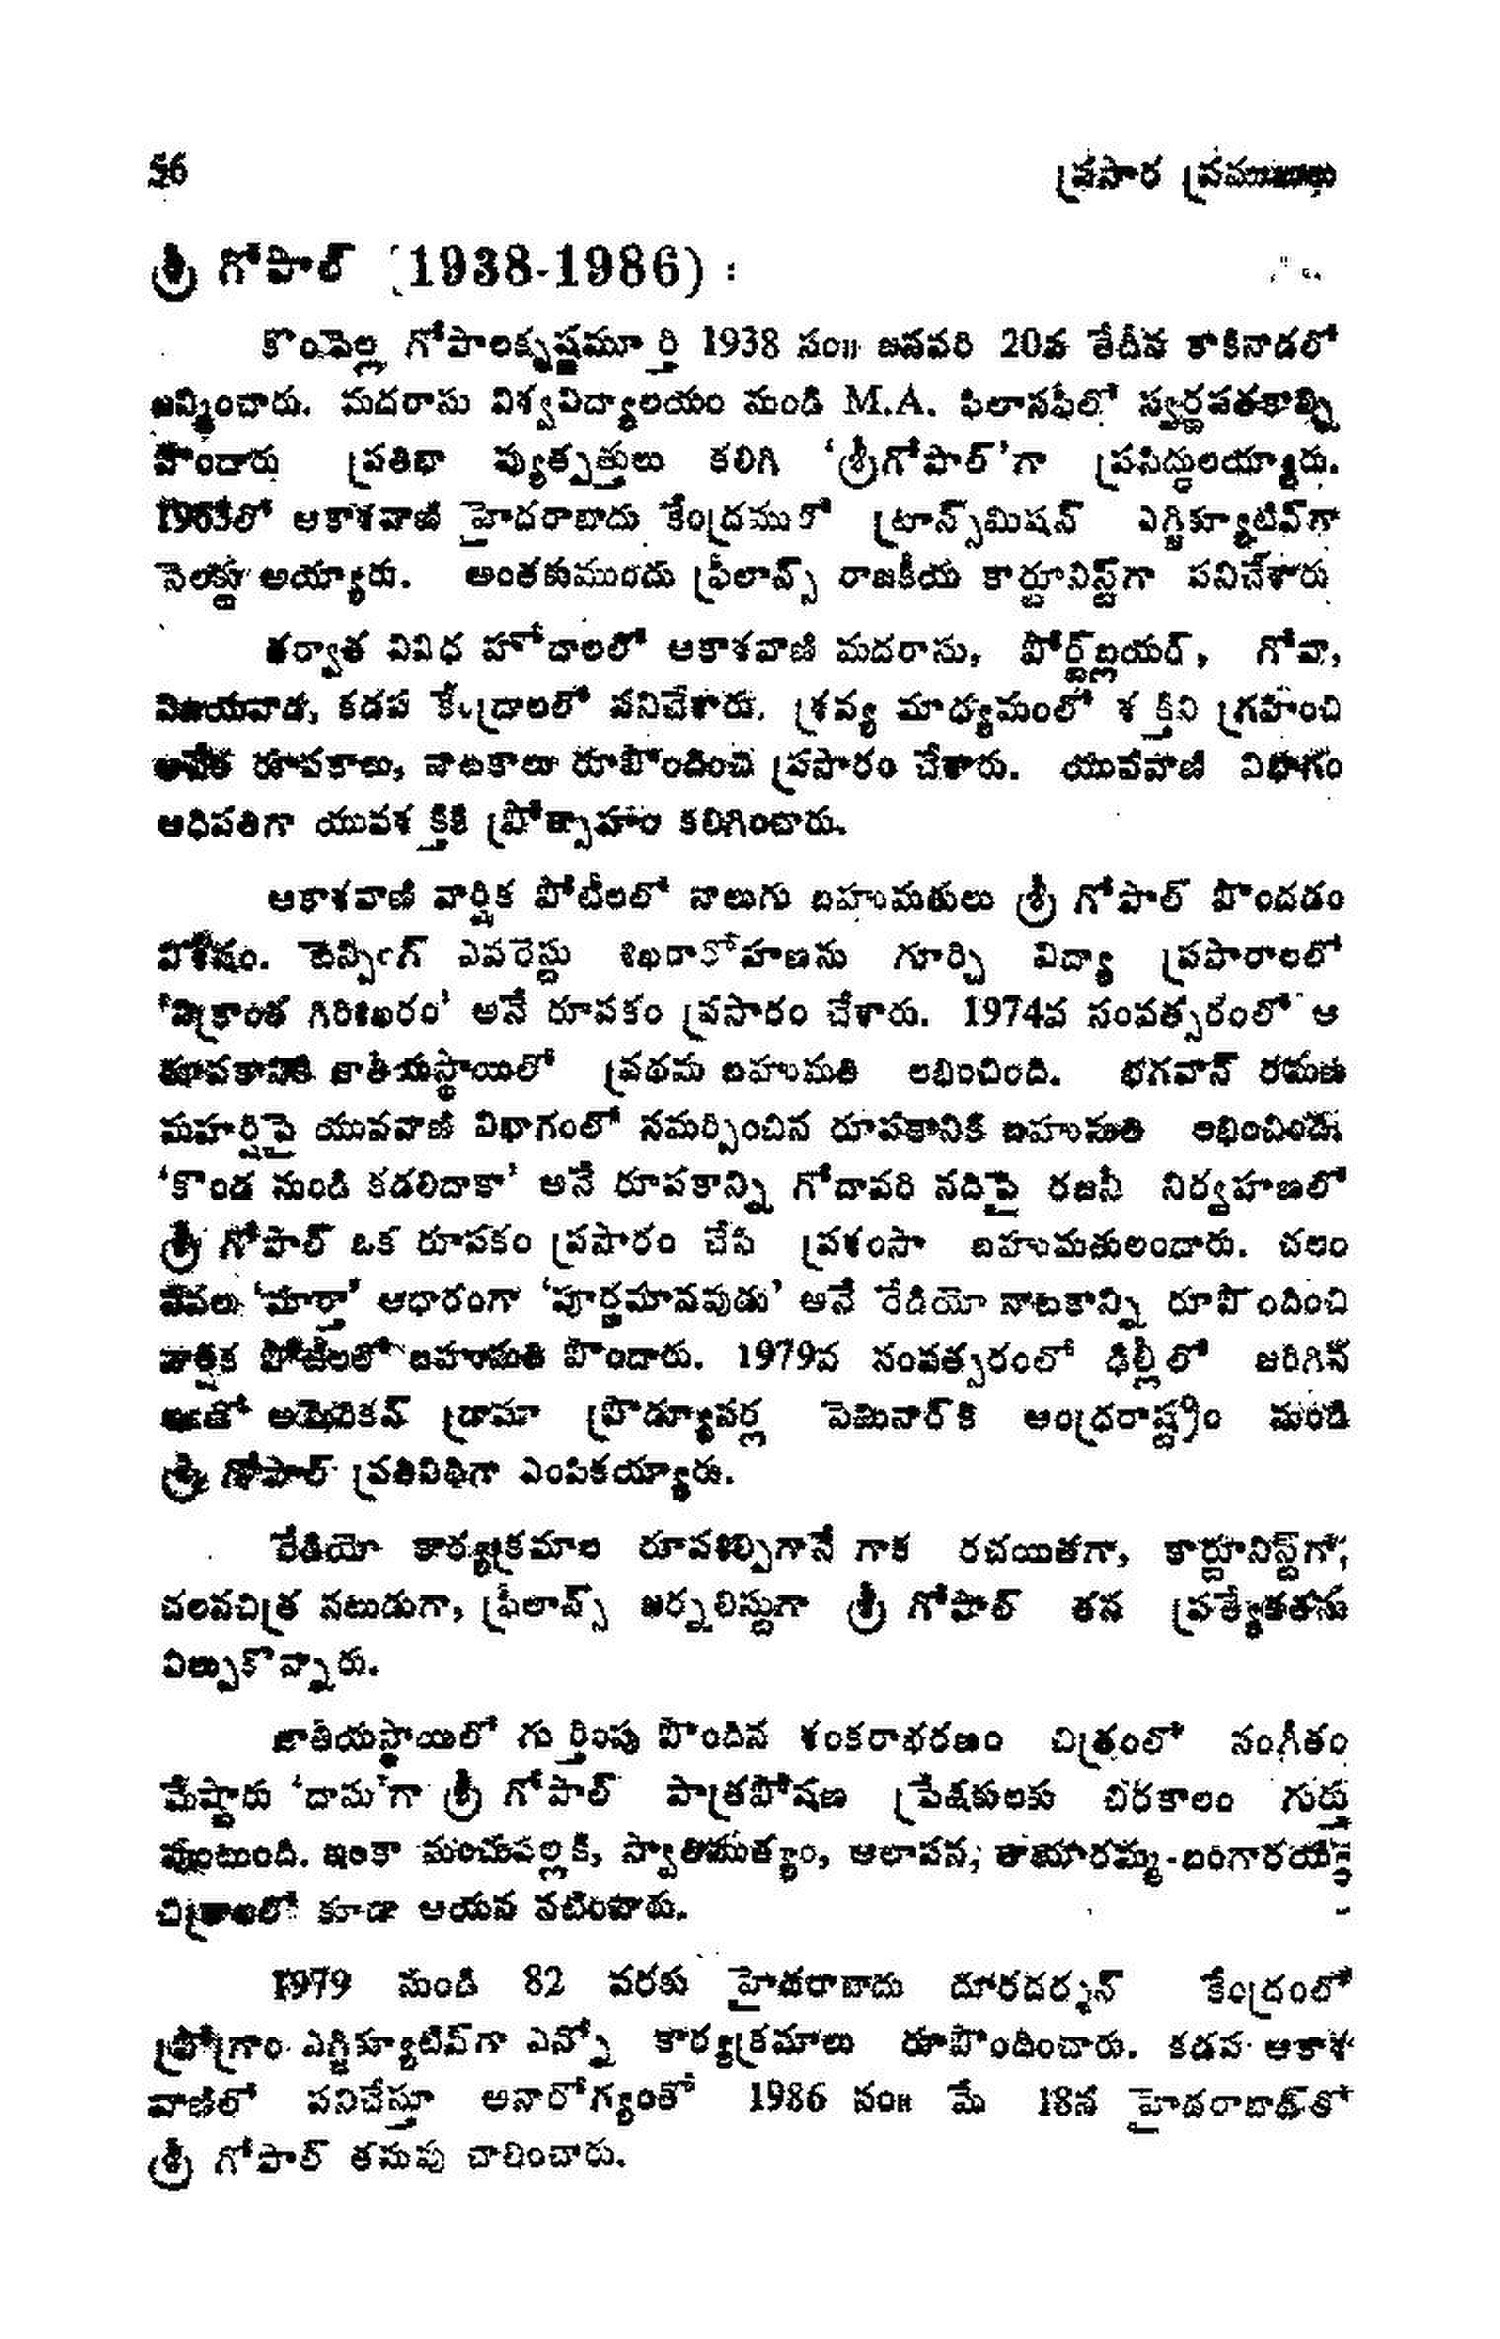కొంపెల్ల గోపాలకృష్ణమూర్తి 1938 సం|| జనవరి 20వ తేదీన కాకినాడలో జన్మించారు. మదరాసు విశ్వవిద్యాలయం నుండి M.A. ఫిలాసఫీలో స్వర్ణపతకాన్ని పొందారు. ప్రతిభా వ్యుత్పత్తులు కలిగి శ్రీగోపాల్ గా ప్రసిద్ధులయ్యారు. 1965లో ఆకాశవాణి హైదరాబాదు కేంద్రములో ట్రాన్స్‌మిషన్ ఎగ్జిక్యూటివ్ గా సెలక్టు అయ్యారు. అంతకు ముందు ఫ్రీలాన్స్ రాజకీయ కార్టూనిస్ట్ గా పనిచేశారు.

తర్వాత వివిధ హోదాలలో ఆకాశవాణి మదరాసు, పోర్ట్ బ్లయర్, గోవా, విజయవాడ, కడప కేంద్రాలలో పనిచేశారు. శ్రవ్య మధ్యమంలో శక్తిని గ్రహించి అనేక రూపకాలు, నాటకాలు రూపొందించి ప్రసారం చేశారు. యువవాణి విభాగం అధిపతిగా యువశక్తికి ప్రోత్సాహం కలిగించారు.

ఆకాశవాణి వార్షిక పోటీలలో నాలుగు బహుమతులు శ్రీ గోపాల్ పొందడం విశేషం. టెన్జింగ్ ఎవరెస్టు శిఖరారోహణను గూర్చి విద్యా ప్రసారాలలో విక్రాంత గిరిశిఖరం అనే రూపకం ప్రసారం చేశారు. 1974వ సంవత్సరంలో ఆ రూపకానికి జాతీయస్థాయిలో ప్రథమ బహుమతి లభించింది. భగవాన్ రమణ మహర్షిపై యువవాణి విభాగంలో సమర్పించిన రూపకానికి బహుమతి లభించింది. కొండ నుండి కడాలి దాకా అనే రూపకాన్ని గోదావరి నదిపై రజని నిర్వహణలొ శ్రీ గోపాల్ ఒక రూపకం ప్రసారం చేసి ప్రశంసా బహుమతులందారు. చలం నవల మార్తా ఆధారంగా పుర్ణమానవుడు అనే రేడియో నాటకాన్ని రూపొందించి వార్షిక పోటీలలో బహుమతి పొందారు. 1979వ సంవత్సరంలో ఢిల్లీలో జరిగిన ఇండో అమెరికన్ డ్రామా ప్రొడ్యూసర్ల సెమినార్ కి ఆంధ్ర రాష్ట్రం నుండి శ్రీ గోపాల్ ప్రతినిధిగా ఎంపికయ్యారు.

రేడియో కార్యక్రమాల రూపశిల్పిగానే గాక రచయితగా, కార్టూనిస్ట్ గా, చలనచిత్ర నటుడుగా, ఫ్రీలాన్స్ జర్నలిస్టుగా శ్రీ గోపాల్ తన ప్రత్యేకతను నిల్పుకొన్నారు.

జాతీయస్థాయిలో గుర్తింపు పొందిన శంకరాభరణం చిత్రంలో సంగీతం మాష్టారు దాసు గా శ్రీ గోపాల్ పాత్రపోషణ ప్రేక్షకులకు చిరకాలం గుర్తువుంటుంది. ఇంకా మంచుపల్లకి, స్వాతిముత్యం, ఆలాపన, తాయారమ్మ బంగారయ్య చిత్రాలలో కూడా ఆయన నటించారు.

1979 నుండి 82 వరకు హైదరాబాదు దూరదర్శన్ కేంద్రంలో ప్రోగ్రాం ఎగ్జిక్యూటివ్ గా ఎన్నో కార్యక్రమాలు రూపొందించారు. కడప ఆకాశవాణిలో పనిచేస్తూ అనారోగ్యంతో 1986 సం|| మే 18న హైదరాబాద్ లో శ్రీ గోపాల్ తనువు చాలించారు.